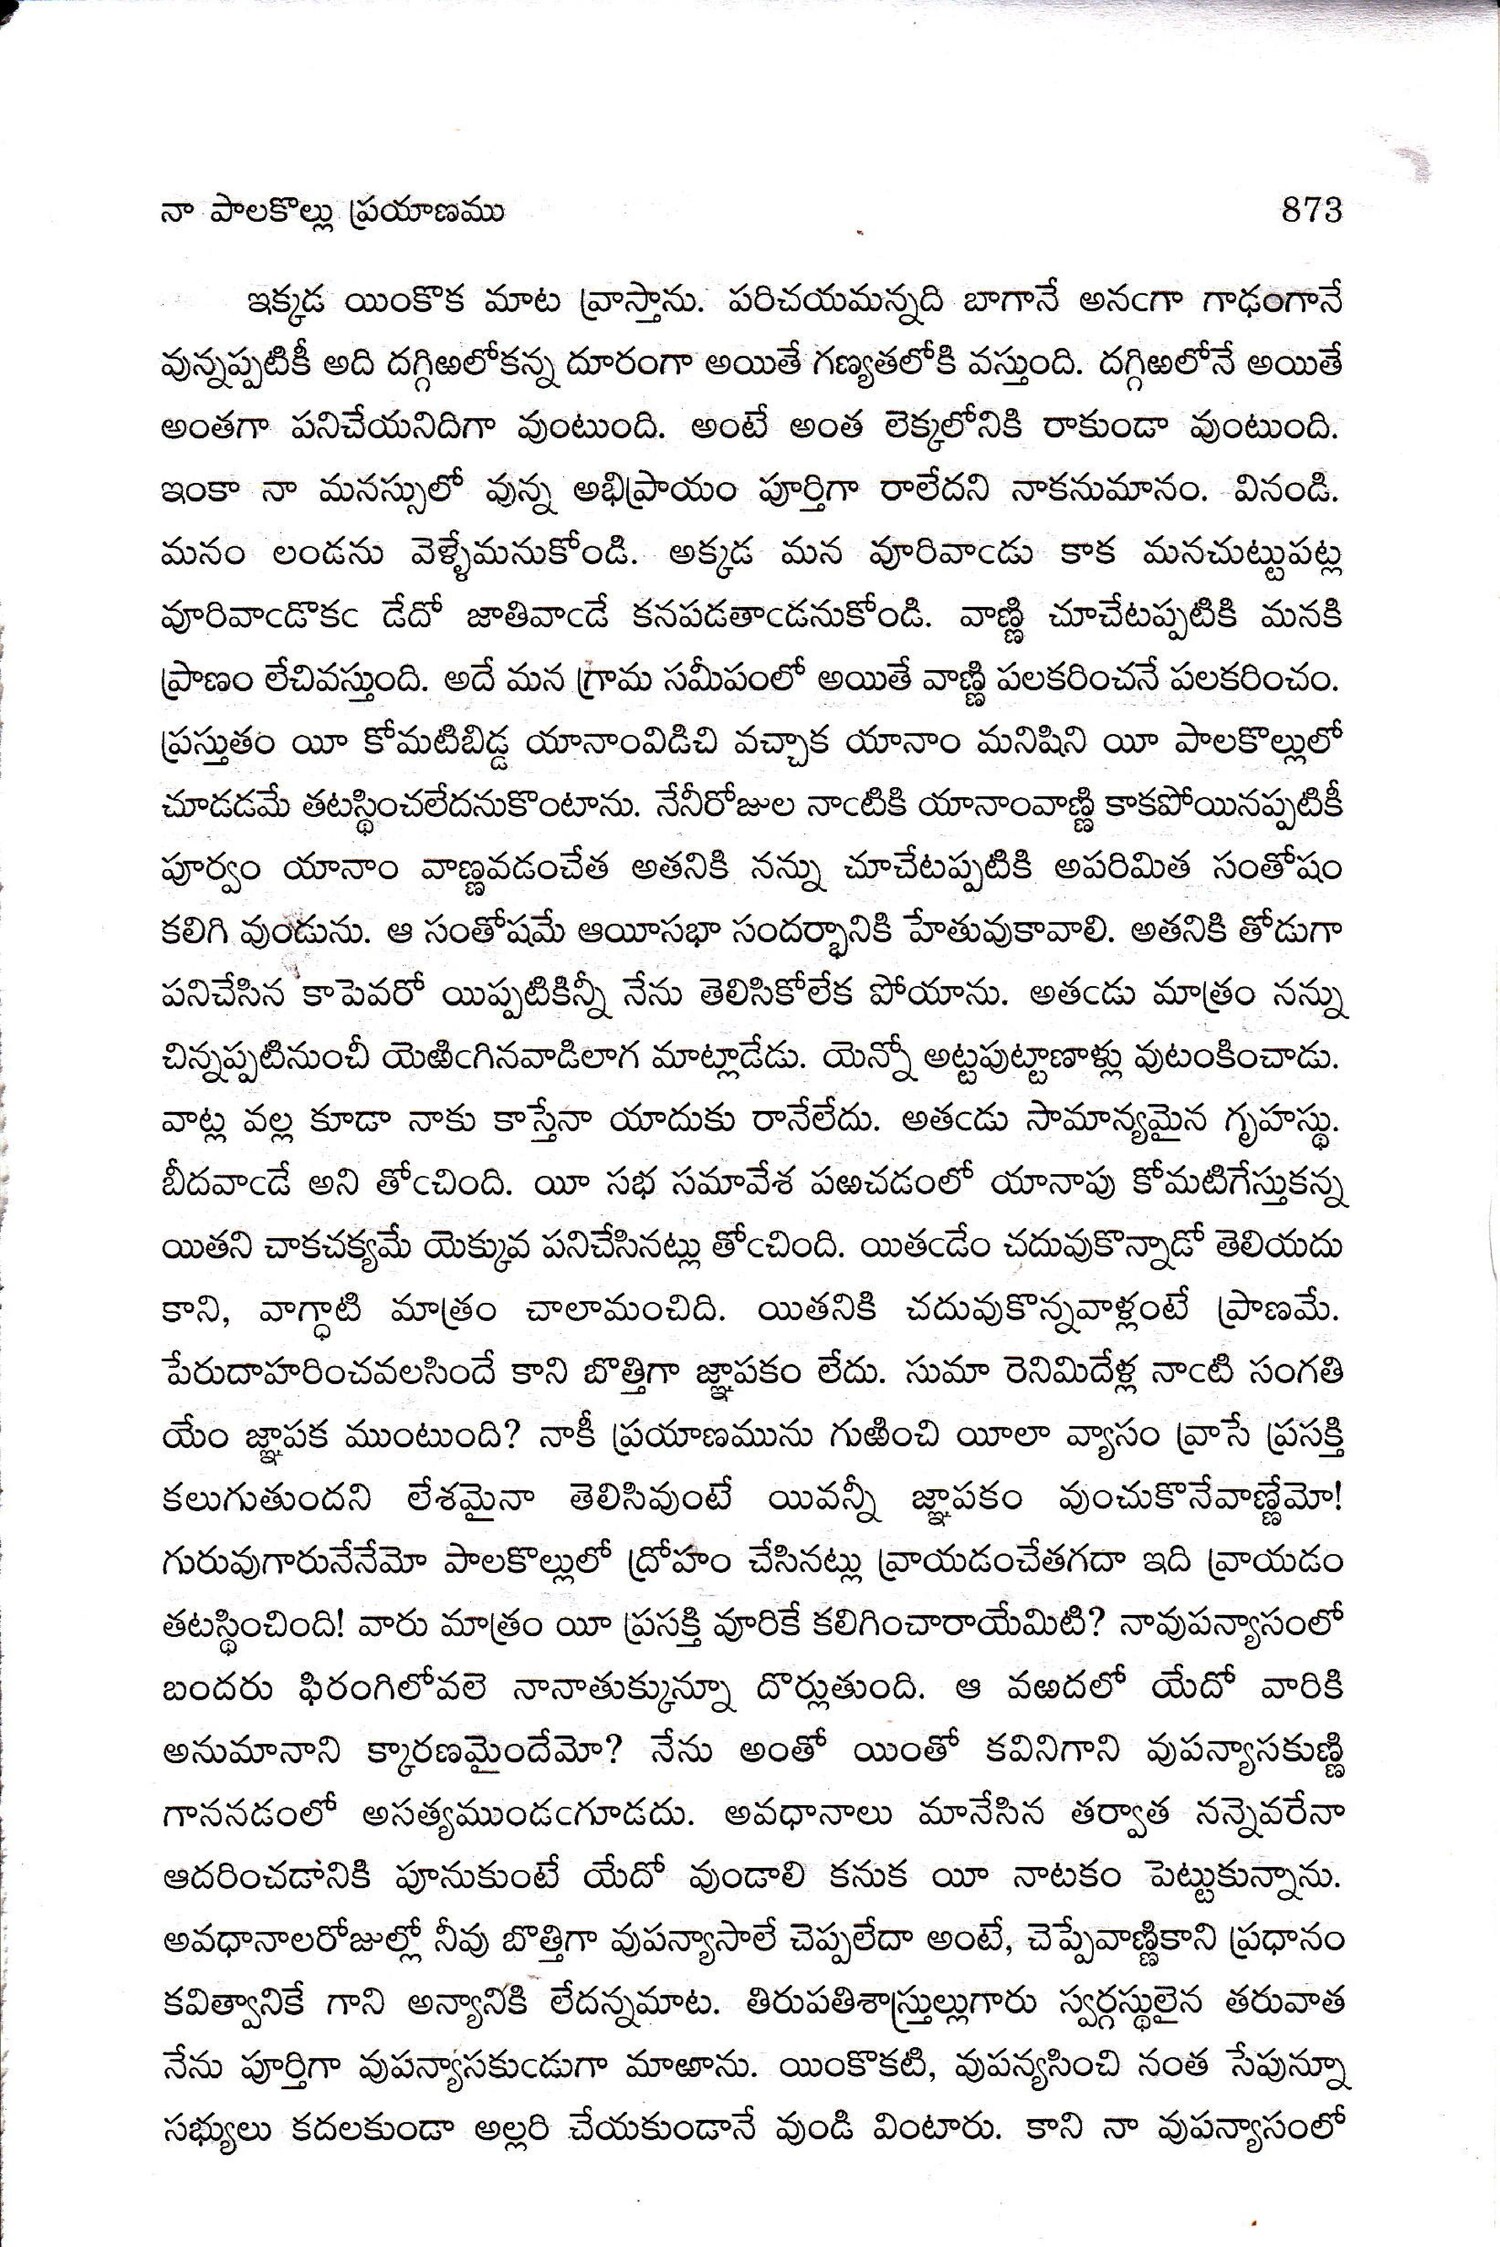ఇక్కడ యింకొక మాట వ్రాస్తాను. పరిచయమన్నది బాగానే అనఁగా గాఢంగానే వున్నప్పటికీ అది దగ్గిఱలోకన్న దూరంగా అయితే గణ్యతలోకి వస్తుంది. దగ్గిఱలోనే అయితే అంతగా పనిచేయనిదిగా వుంటుంది. అంటే అంత లెక్కలోనికి రాకుండా వుంటుంది. ఇంకా నా మనస్సులో వున్న అభిప్రాయం పూర్తిగా రాలేదని నాకనుమానం. వినండి. మనం లండను వెళ్ళేమనుకోండి. అక్కడ మన వూరివాఁడు కాక మనచుట్టుపట్ల వూరివాఁడొకఁ డేదో జాతివాఁడే కనపడతాఁడనుకోండి. వాణ్ణి చూచేటప్పటికి మనకి ప్రాణం లేచివస్తుంది. అదే మన గ్రామ సమీపంలో అయితే వాణ్ణి పలకరించనే పలకరించం. ప్రస్తుతం యీ కోమటిబిడ్డ యానాంవిడిచి వచ్చాక యానాం మనిషిని యీ పాలకొల్లులో చూడడమే తటస్థించలేదనుకొంటాను. నేనీరోజుల నాఁటికి యానాంవాణ్ణి కాకపోయినప్పటికీ పూర్వం యానాం వాణ్ణవడంచేత అతనికి నన్ను చూచేటప్పటికి అపరిమిత సంతోషం కలిగి వుండును. ఆ సంతోషమే ఆయీసభా సందర్భానికి హేతువుకావాలి. అతనికి తోడుగా పనిచేసిన కాపెవరో యిప్పటికిన్నీ నేను తెలిసికోలేక పోయాను. అతఁడు మాత్రం నన్ను చిన్నప్పటినుంచీ యెఱిఁగినవాడిలాగ మాట్లాడేడు. యెన్నో అట్టపుట్టాణాళ్లు వుటంకించాడు. వాట్ల వల్ల కూడా నాకు కాస్తేనా యాదుకు రానేలేదు. అతఁడు సామాన్యమైన గృహస్థు. బీదవాఁడే అని తోఁచింది. యీ సభ సమావేశ పఱచడంలో యానాపు కోమటిగేస్తుకన్న యితని చాకచక్యమే యెక్కువ పనిచేసినట్లు తోఁచింది. యితఁడేం చదువుకొన్నాడో తెలియదు కాని, వాగ్దాటి మాత్రం చాలామంచిది. యితనికి చదువుకొన్నవాళ్లంటే ప్రాణమే. పేరుదాహరించవలసిందే కాని బొత్తిగా జ్ఞాపకం లేదు. సుమా రెనిమిదేళ్ల నాఁటి సంగతి యేం జ్ఞాపక ముంటుంది? నాకీ ప్రయాణమును గుఱించి యీలా వ్యాసం వ్రాసే ప్రసక్తి కలుగుతుందని లేశమైనా తెలిసివుంటే యివన్నీ జ్ఞాపకం వుంచుకొనేవాణ్ణేమో! గురువుగారునేనేమో పాలకొల్లులో ద్రోహం చేసినట్లు వ్రాయడంచేతగదా ఇది వ్రాయడం తటస్థించింది! వారు మాత్రం యీ ప్రసక్తి వూరికే కలిగించారాయేమిటి? నావుపన్యాసంలో బందరు ఫిరంగిలోవలె నానాతుక్కున్నూ దొర్లుతుంది. ఆ వఱదలో యేదో వారికి అనుమానాని క్కారణమైందేమో? నేను అంతో యింతో కవినిగాని వుపన్యాసకుణ్ణి గాననడంలో అసత్యముండఁగూడదు. అవధానాలు మానేసిన తర్వాత నన్నెవరేనా ఆదరించడానికి పూనుకుంటే యేదో వుండాలి కనుక యీ నాటకం పెట్టుకున్నాను. అవధానాలరోజుల్లో నీవు బొత్తిగా వుపన్యాసాలే చెప్పలేదా అంటే, చెప్పేవాణ్ణికాని ప్రధానం కవిత్వానికే గాని అన్యానికి లేదన్నమాట. తిరుపతిశాస్త్రుల్లుగారు స్వర్గస్థులైన తరువాత నేను పూర్తిగా వుపన్యాసకుఁడుగా మఱాను. యింకొకటి, వుపన్యసించి నంత సేపున్నూ సభ్యులు కదలకుండా అల్లరి చేయకుండానే వుండి వింటారు. కాని నా వుపన్యాసంలో